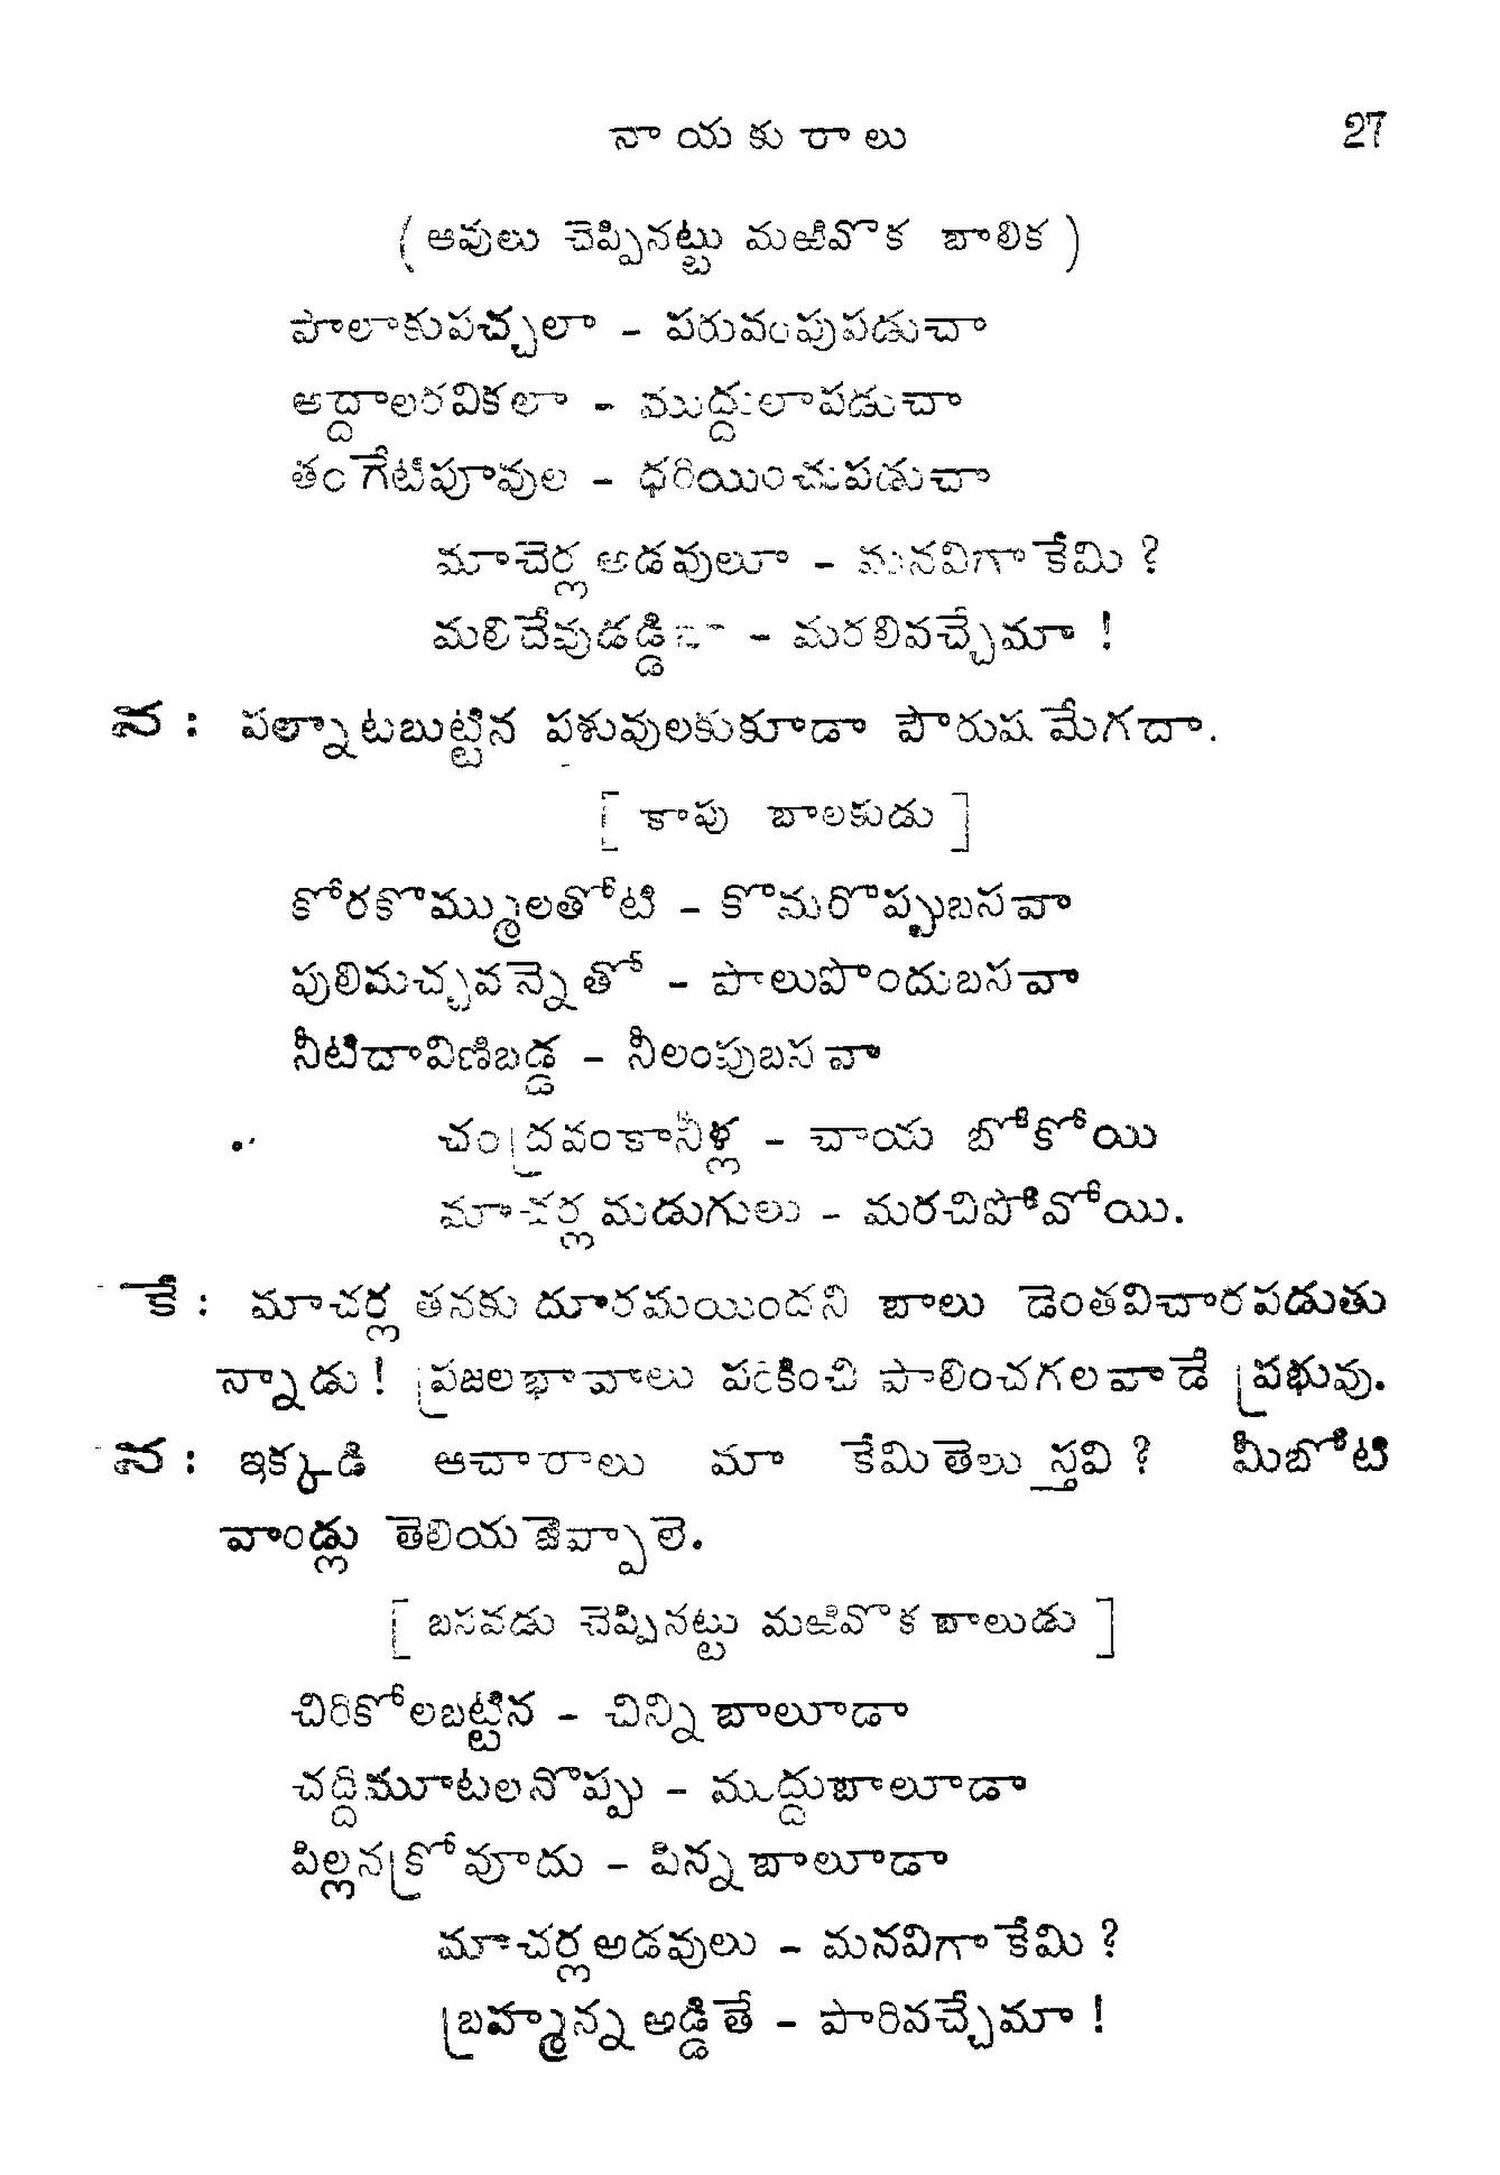పాలాకుపచ్చలా - పరువంపుపడుచా
అద్దాలరవికలా - ముద్దులాపడుచా
తంగేటి పూవుల - ధరియించుపడుచా
 మాచెర్ల అడవులూ - మనవిగాకేమి ?
 మలిదేవుడడ్డినా - మరలివచ్చేమా !
న : పల్నాటబుట్టిన పశువులకుకూడా పౌరుషమేగదా.

కోరకొమ్ములతోటి - కొమరొప్పుబసవా
పులిమచ్చవన్నెతో - పాలుపొందుబసవా
నీటిదావిణిబడ్డ - నీలంపుబసవా
 చంద్రవంకానీళ్ల - చాయ బోకోయి
 మాచర్లమడుగులు - మరచిపోవోయి.
కే: మాచర్ల తనకు దూరమయిందని బాలు డెంతవిచారపడుతున్నాడు ! ప్రజలభావాలు పరికించి పాలించగలవాడే ప్రభువు.

న: ఇక్కడి ఆచారాలు మా కేమితెలుస్తవి? మీబోటివాండ్లు తెలియజెప్పాలె.

చిరికోలబట్టిన - చిన్నిబాలూడా
చద్దిమూటలనొప్పు - ముద్దుబాలూడా
పిల్లనక్రోవూదు - పిన్నబాలూడా
 మాచర్ల అడవులు - మనవిగాకేమి ?
 బ్రహ్మన్న అడ్డితే - పారివచ్చేమా!